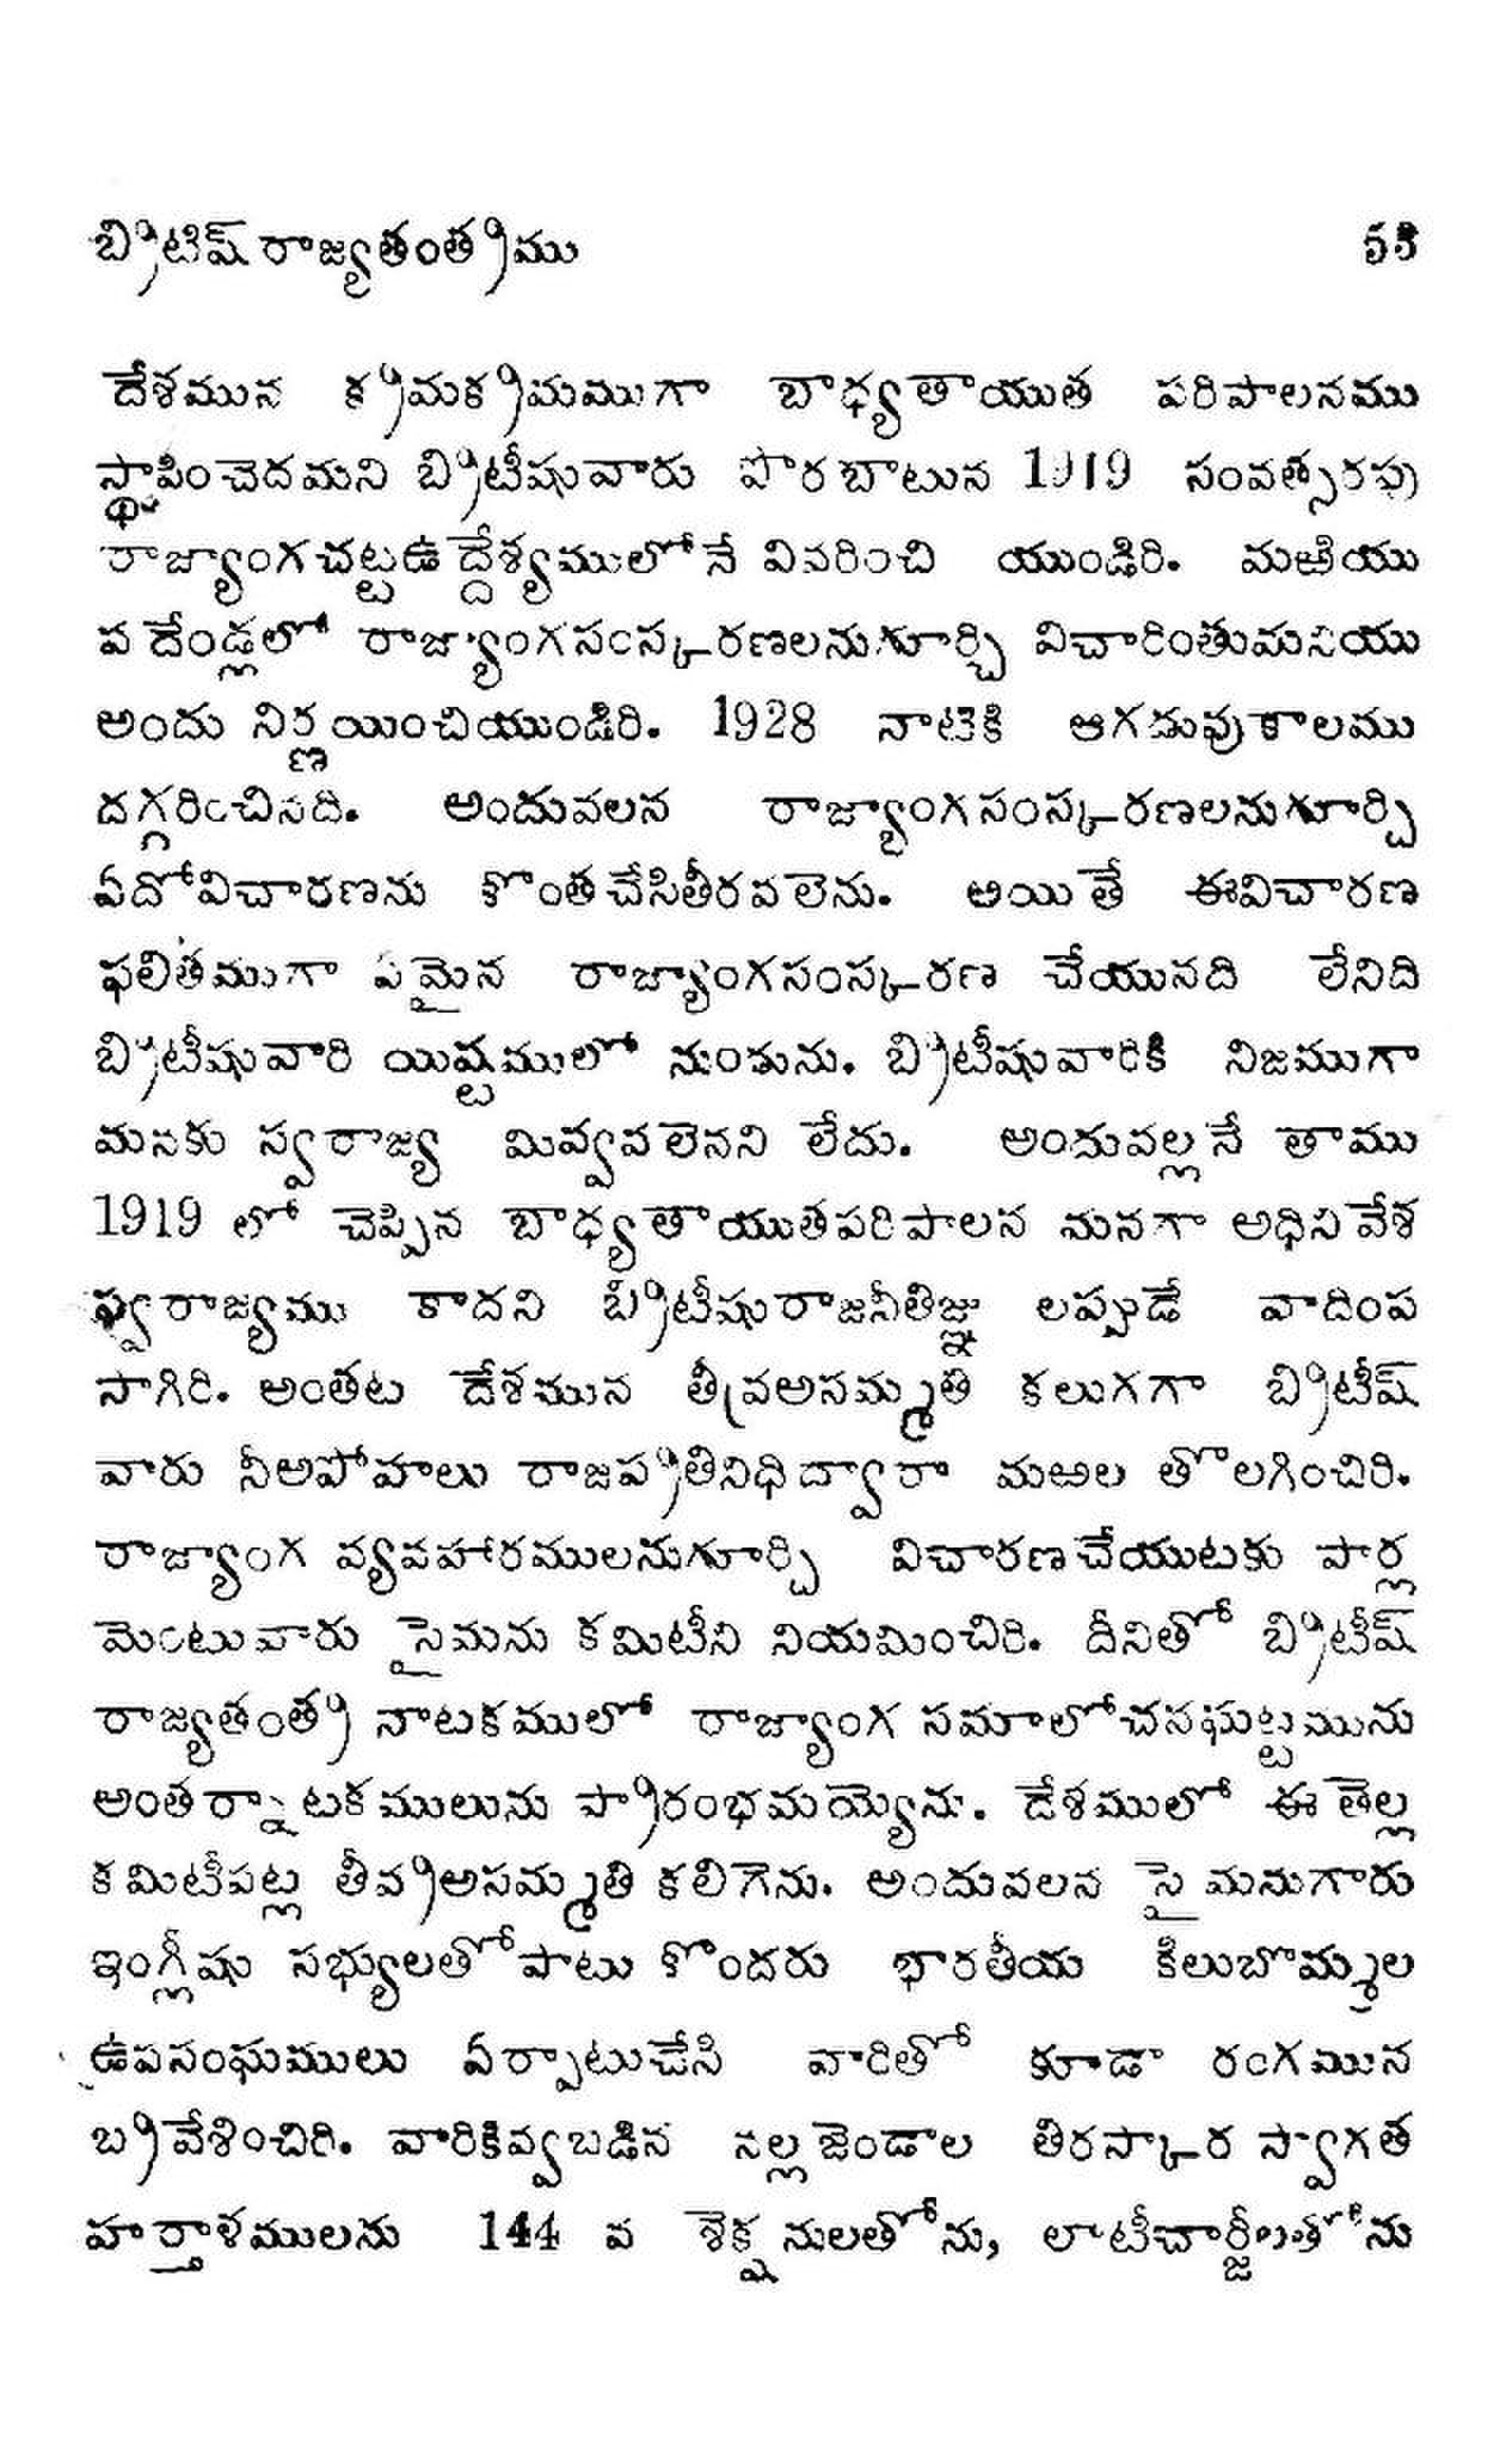దేశమున క్రమక్రమముగా బాధ్యతాయుత పరిపాలనము స్థాపించెదమని బ్రిటీషువారు పొరబాటున 1919 సంవత్సరపు రాజ్యాంగచట్టఉద్దేశ్యములోనే వివరించి యుండిరి. మఱియు పదేండ్లలో రాజ్యాంగసంస్కరణలనుగూర్చి విచారింతుమనియు అందు నిర్ణయించియుండిరి. 1928 నాటికి ఆగడువు కాలము దగ్గరించినది. అందువలన రాజ్యాంగ సంస్కరణలనుగూర్చి ఏదోవిచారణను కొంతచేసితీరవలెను. అయితే ఈవిచారణ ఫలితముగా ఏమైన రాజ్యాంగసంస్కరణ చేయునది లేనిది బిటీషువారి యిష్టములో నుండును. బిటీషువారికి నిజముగా మనకు స్వరాజ్య మివ్వవలెనని లేదు. అందువల్లనే తాము 1919 లో చెప్పిన బాధ్యతాయుతపరిపాలన మనగా అధినివేశస్వరాజ్యము కాదని బ్రిటీషురాజనీతిజ్ఞు లప్పుడే వాదింపసాగిరి. అంతట దేశమున తీవ్రఅసమ్మతి కలుగగా బ్రిటీష్ వారు నీఅపోహలు రాజప్రతినిధిద్వారా మఱల తొలగించిరి. రాజ్యాంగ వ్యవహారములనుగూర్చి విచారణచేయుటకు పార్లమెంటువారు సైమను కమిటీని నియమించిరి. దీనితో బిటీష్ రాజ్యతంత్ర నాటకములో రాజ్యాంగ సమాలోచనఘట్టమును అంతర్నాటకములును ప్రారంభమయ్యెను. డేశములో ఈ తెల్ల కమిటీపట్ల తీవ్రఅసమ్మతికలిగెను. అందువలన సైమనుగారు ఇంగ్లీషు సభ్యులతో పాటు కొందరు భారతీయ కీలుబొమ్మల ఉపసంఘములు ఏర్పాటుచేసి వారితో కూడా రంగమున బ్రవేశించిరి. వారికివ్వబడిన నల్లజెండాల తిరస్కార స్వాగత హర్తాళములను 144 వ శెక్షనులతోను, లాటీచార్జీలను